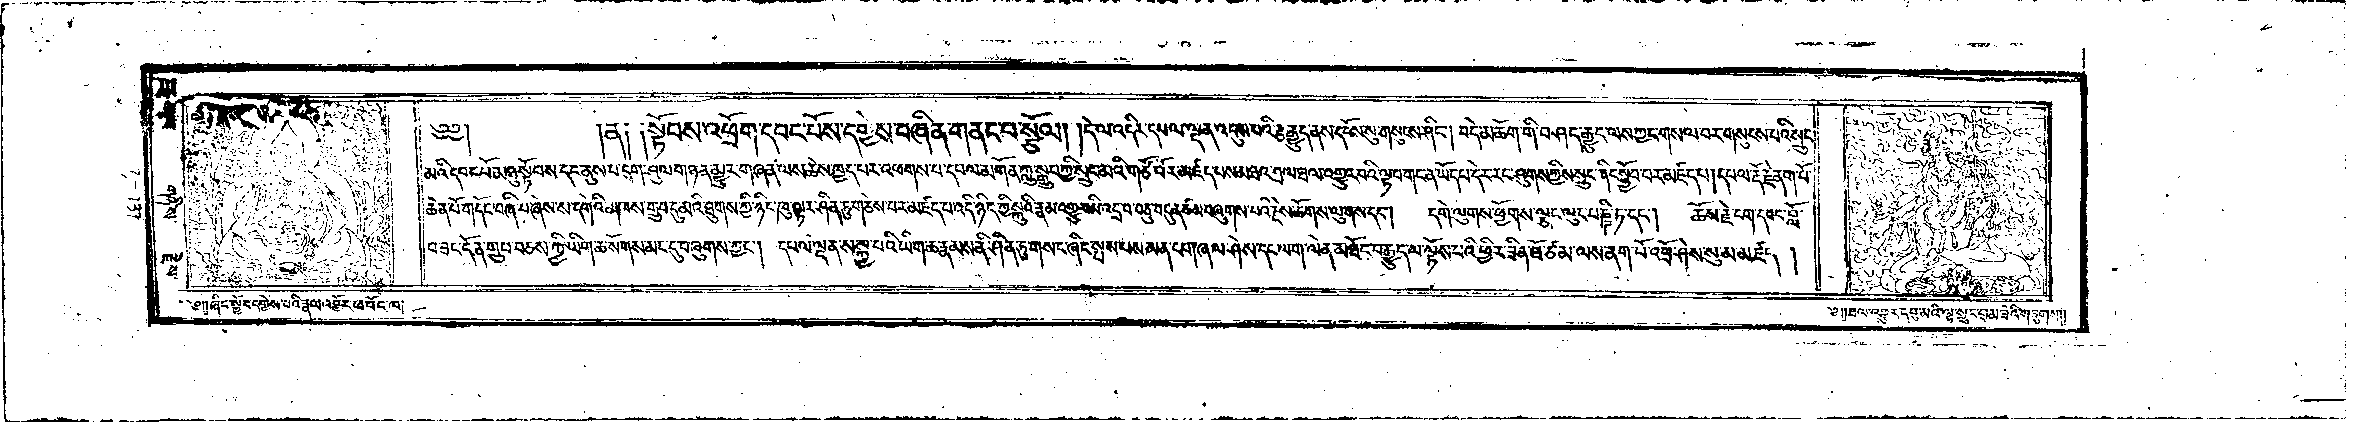༄༅། །ན༑ ༑སྟོབས་འཕྲོག་དབང་པོས་དབྱེས་བཞིན་གནང་བ་སྩོལ། །དེ་ལ་འདིར་དཔལ་ལྡན་འདུས་པའི་རྩ་རྒྱུད་ནས་དངོས་སུ་གསུངས་ཤིང་། བདེ་མཆོག་གི་བཤད་རྒྱུད་ལས་ཀྱང་གསལ་བར་གསུངས་པའི་སྲུང་
མའི་དབང་པོ་མཐུ་སྟོབས་དང་ནུས་པ་དྲག་ཤུལ་གཉན་མྱུར་གཞན་ལས་ཆེས་ཁྱད་པར་འཕགས་པ་དཔལ་མགོན་ཀླུ་སྒྲུབ་ཀྱི་སྲུང་མའི་གཙོ་བོར་མཛད་པས་མཐའ་བྲལ་ཐལ་འགྱུར་པའི་ལྟ་བ་གང་ན་ཡོད་པ་དེར་རང་ཤུགས་ཀྱིས་སྲུང་ཞིང་སྐྱོབ་བར་མཛད་པ། དཔལ་རྡོ་རྗེ་ནག་པོ་
ཆེན་པོ་གདོང་བཞི་པ་ཞེས་ས་དགེའི་མཁས་གྲུབ་དུ་མའི་ཐུགས་ཀྱི་སྙིང་ཁུ་ལྟར་ཤིན་ཏུ་གཅེས་པར་མཛད་པ་འདི་ཉིད་ཀྱི་སྐུའི་རྣམ་འགྱུར་མི་འདྲ་པ་བཅུ་བདུན་ཙམ་བཞུགས་པའི་རྗེས་ཆོགས་ལུགས་དང་། དགེ་ལུགས་ཕྱོགས་ལྕང་ལུང་པཎྜི་ཏ་དང་། ཆོས་རྗེ་ངག་དབང་བློ་
བཟང་དོན་གྲུབ་བཅས་ཀྱི་ཡིག་ཆ་སོགས་མང་དུ་བཞུགས་ཀྱང་། དཔལ་ལྡན་ས་སྐྱ་པའི་ཡིག་ཆ་རྣམས་ནི་ཤིན་ཏུ་གསང་ཞིང་སྤས་པས་མན་ངག་ཞལ་ཤེས་དང་ལག་ལེན་མཐོང་བརྒྱུད་ལ་ལྟོས་པའི་ཕྱིར་ཟིན་ཐོ་ཙམ་ལས་ནག་པོ་བཀྲོ་ཤེས་སུ་མ་མཛད་།